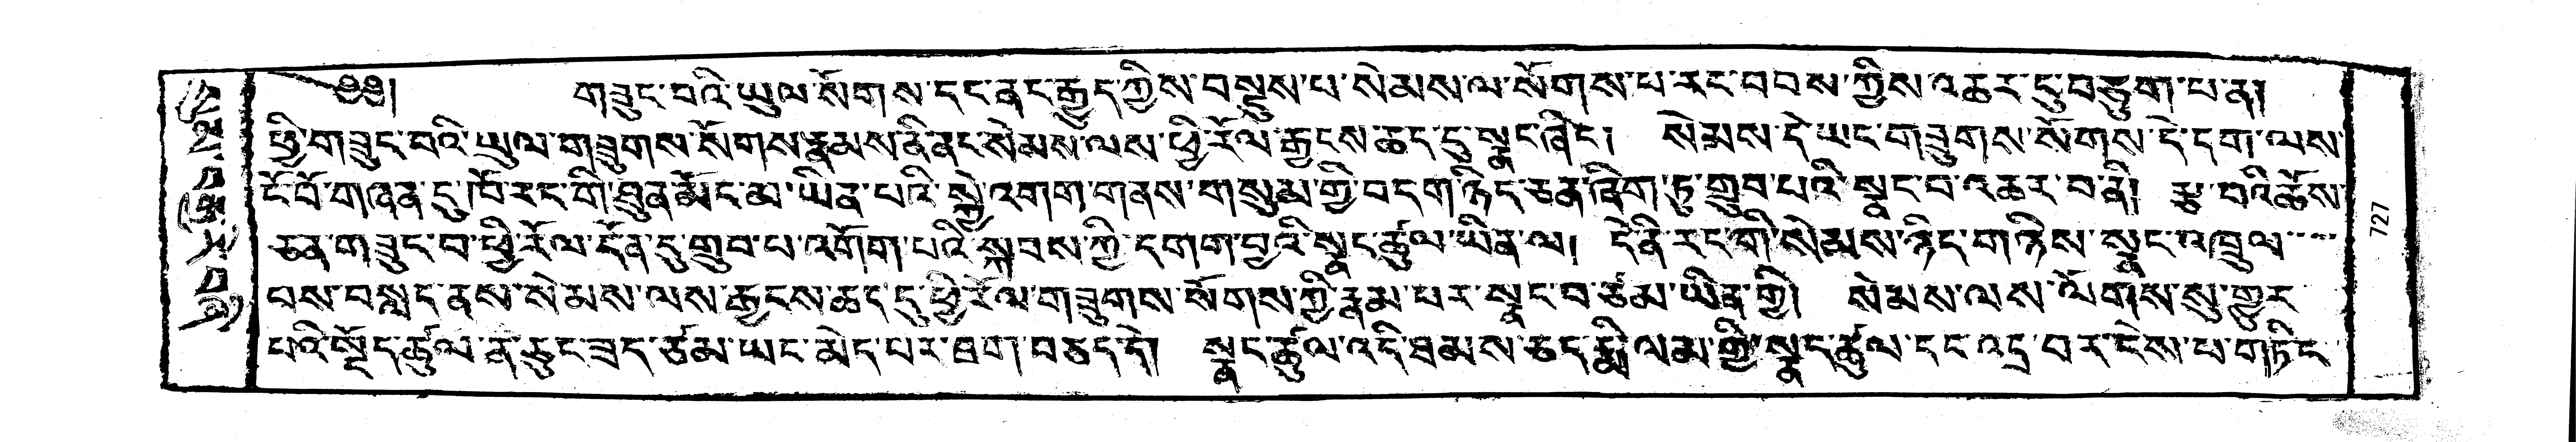༄༅། །གཟུང་བའི་ཡུལ་སོགས་དང་ནང་རྒྱུད་ཀྱིས་བསྡུས་པ་སེམས་ལ་སོགས་པ་རང་བབས་ཀྱིས་འཆར་དུ་བཅུག་པ་ན།
ཕྱི་གཟུང་བའི་ཡུལ་གཟུགས་སོགས་རྣམས་ནི་ནང་སེམས་ལས་ཕྱི་རོལ་རྒྱངས་ཆད་དུ་སྣང་ཞིང་། སེམས་དེ་ཡང་གཟུགས་སོགས་དེ་དག་ལས་
ངོ་བོ་གཞན་དུ་ཁོ་རང་གི་ཐུན་མོང་མ་ཡིན་པའི་སྐྱེ་འགག་གནས་གསུམ་གྱི་བདག་ཉིད་ཅན་ཞིག་ཏུ་གྲུབ་པའི་སྣང་བ་འཆར་བ་ནི། རྩ་བའི་ཆོས་
ཅན་གཟུང་བའི་ཕྱི་རོལ་དོན་དུ་གྲུབ་པ་འགོག་པའི་སྐབས་ཀྱི་དགག་བྱའི་སྣང་ཚུལ་ཡིན་ལ། དེ་ནི་རང་གི་སེམས་ཉིད་གཉིས་སྣང་འཁྲུལ་
བས་བསླད་ནས་སེམས་ལས་རྒྱངས་ཆད་དུ་ཕྱི་རོལ་གཟུགས་སོགས་ཀྱི་རྣམ་པར་སྣང་བ་ཙམ་ཡིན་གྱི། སེམས་ལས་ལོགས་སུ་གྱུར་
པའི་སྡོད་ཚུལ་ན་ཅུང་ཟད་ཙམ་ཡང་མེད་པར་ཐག་བཅད་དེ། སྣང་ཚུལ་འདི་ཐམས་ཅད་རྨི་ལམ་གྱི་སྣང་ཚུལ་དང་འདྲ་བར་ངེས་པ་གཏིང་